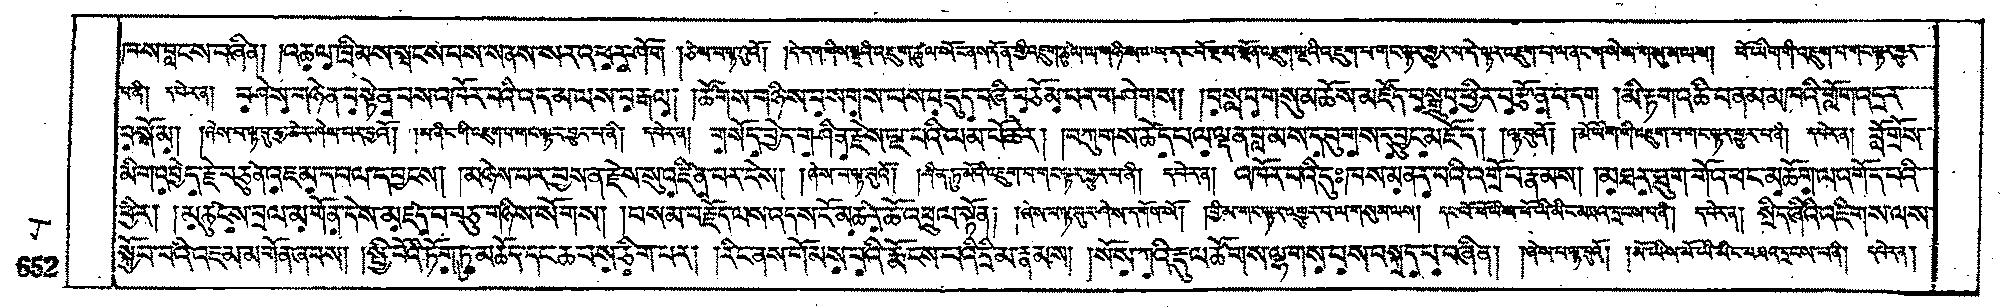ཁས་བླངས་བཞིན། །འཆལ་ཁྲིམས་སྤངས་པས་ས་ནས་སར་འཕར་ཤོག །ཅེས་པ་ལྟ་བུའོ། །དེ་དག་གིས་སྒྲའི་འཇུག་ཚུལ་སོང་ནས་དོན་གྱི་འཇུག་ཚུལ་ལ་གཉིས་ལས་དང་པོ་ལྔ་མ་སྔོན་འཇུག་ལྔའི་འཇུག་པ་གང་ལྟར་གྱུར་པ་དེ་ལྟར་འཇུག་པ་ལ་ནང་གསེས་གསུམ་ལས། ཕོ་ཡིག་གི་འཇུག་པ་གང་ལྟར་གྱུར་་་
པ་ནི། དཔེར་ན། བཤེས་གཉེན་བསྟེན་པས་འཁོར་བའི་འདམ་ལས་བརྒལ། །ཚོགས་གཉིས་བསགས་པས་བདུད་བཞི་བཅོམ་པར་གཤེགས། །བསླབ་གསུམ་ཆོས་མཛོད་བསྒྲུབ་ཕྱིར་བརྩོན་པ་དག །མི་རྟག་འཆི་བ་ནམ་མཁའི་གློག་འདྲར་་་
བསྒོམ། །ཞེས་པ་ལྟ་བུ་རྒྱ་ཆེར་ཤེས་པར་བྱའོ། །མ་ནིང་གི་འཇུག་པ་གང་ལྟར་གྱུར་པ་ནི། དཔེར་ན།  གསོད་བྱེད་གཤིན་རྗེས་ལྔ་པའི་ལམ་པོ་ཆེར། །བཀུགས་ཚེ་དཔལ་ལྡན་བླ་མས་དབུགས་དབྱུང་མཛོད། །ལྟ་བུའོ། །མོ་ཡིག་གི་འཇུག་པ་གང་ལྟར་གྱུར་པ་ནི། དཔེར་ན།  བློ་གྲོས་་་
མིག་འབྱེད་རྗེ་བཙུན་འཇམ་དཔལ་དབྱངས། །མཉེས་པར་བྱས་ན་རྗེས་སུ་འཛིན་པར་ངེས། །ཞེས་པ་ལྟ་བུའོ། །ཤིན་ཏུ་མོའི་འཇུག་པ་གང་ལྟར་གྱུར་པ་ནི། དཔེར་ན།  འཁོར་བའི་དུཿཁས་མནར་བའི་འགྲོ་བ་རྣམས། །མཐར་ཐུག་གོ་འཕང་མཆོག་ལ་འགོད་པའི་་་
ཕྱིར། །མཚུངས་བྲལ་མགོན་དེས་མཛད་པ་བཅུ་གཉིས་སོགས། །བསམ་བརྗོད་ལས་འདས་ངོ་མཚར་ཆོ་འཕྲུལ་སྟོན། །ཞེས་པ་ལྟ་བུར་ཤེས་དགོས་སོ། །ཕྱི་མ་གང་ལྟར་འགྱུར་བ་ལ་གསུམ་ལས། དང་པོ་ཕོ་ཡིས་ཕོ་ཡི་མིང་མཐའ་དྲངས་པ་ནི། དཔེར་ན།  སྲིད་ཞིའི་འཇིགས་ལས།
སྐྱོབ་པའི་འཇམ་མགོན་ཞབས། །སྤྱི་བོའི་ཏོག་ཏུ་མཆོད་དང་ཆབས་ཅིག་པར། །རིང་ནས་གོམས་པའི་རྨོངས་པའི་དྲི་མ་རྣམས། །སོས་ཀའི་རྡུལ་ཚོགས་ལྷགས་པས་བསྐྲད་པ་བཞིན། །ཞེས་པ་ལྟ་བུའོ། །མོ་ཡིས་མོ་ཡི་མིང་མཐའ་དྲངས་པ་ནི། དཔེར་ན།